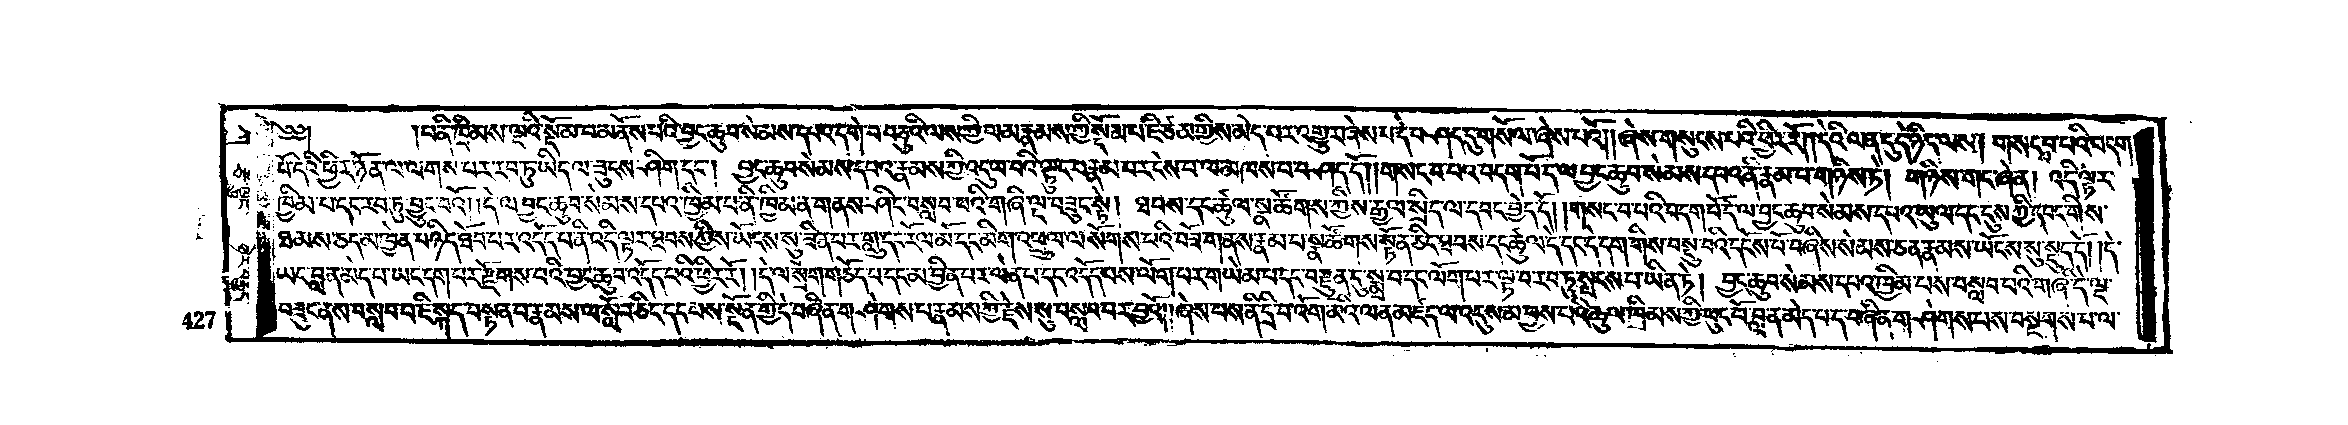༄༅། །པ་ནི་ཁྲིམས་ལྔའི་སྡོམ་པ་མནོས་པའི་བྱང་ཆུབ་སེམས་དཔའ་དགེ་བ་བཅུའི་ལས་ཀྱི་ལམ་རྣམས་ཀྱི་སྡོམ་པ་ཇི་ཙམ་གྱིས་མེད་པར་འགྱུར་ཞེས་པ་དེ་བཤད་དུ་གསོལ་ཞེས་པའོ། །ཞེས་གསུངས་པའི་ཕྱིར་རོ། །དེའི་ལན་དུ་དེ་ཉིད་ལས། གསངས་བ་པའི་བདག་
པོ་དེའི་ཕྱིར་ཉོན་ལ་ལགས་པར་རབ་ཏུ་ཡིད་ལ་ཟུངས་ཤིག་དང་། བྱང་ཆུབ་སེམས་དཔའ་རྣམས་ཀྱི་འདུལ་བའི་ལྟུང་བ་རྣམས་པར་ངེས་པར་ལ་མཁས་པ་བཤད་དོ། །གསང་བ་བའི་བདག་པོ་དེ་ལ་བྱང་ཆུབ་སེམས་དཔའ་ནི་རྣམ་པ་གཉིས་ཏེ། གཉིས་གང་ཞེ་ན། འདི་ལྟར་
ཁྱིམ་པ་དང་རབ་ཏུ་བྱུང་བའོ། །དེ་ལ་བྱང་ཆུབ་སེམས་དཔའ་ཁྱིམ་པ་ནི་ཁྱིམ་ན་གནས་ཤིང་བསླབ་པའི་གཞི་ལྔ་བཟུང་སྟེ། ཐབས་དང་ཚུལ་སྣ་ཚོགས་ཀྱིས་རྒྱལ་སྲིད་ལ་དབང་བྱེད་དོ། །གསང་བ་པའི་བདག་པོ་དེ་ལ་བྱང་ཆུབ་སེམས་དཔའ་ཡུལ་དང་དུས་ཀྱི་དབང་གིས་
ཐམས་ཅད་མཁྱེན་པ་ཉིད་ཐོབ་པར་འདོད་པ་ནི་འདི་ལྟར་ཐབས་ཀྱིས་ཡོངས་སུ་ཟིན་པར་གླུ་དང་རོལ་མོ་དང་མིག་འཕྲུལ་ལ་སོགས་པའི་བཟོ་གནས་རྣམ་པ་སྣ་ཚོགས་སྟོན་ཅིང་ཐབས་དང་ཚུལ་དེ་དང་དེ་དག་གིས་བསྡུ་བའི་དངོས་པོ་བཞིས་སེམས་ཅན་རྣམས་ཡོངས་སུ་སྡུད་དོ། །དེ་
ཡང་བླ་ན་མེད་པ་ཡང་དག་པར་རྫོགས་པའི་བྱང་ཆུབ་འདོད་པའི་ཕྱིར་རོ། །དེ་ལ་སྲོག་གཅོད་པ་དང་མ་བྱིན་པར་ལེན་པ་དང་འདོད་པས་ལོག་པར་གཡེམ་པ་དང་བརྫུན་དུ་སྨྲ་བ་དང་ལོག་པར་ལྟ་བ་རབ་ཏུ་སྤངས་པ་ཡིན་ཏེ། བྱང་ཆུབ་སེམས་དཔའ་ཁྱིམ་པས་བསླབ་པའི་གཞི་དེ་ལྔ་
བཟུང་ནས་བསླབ་པ་ཇི་སྐད་བསྟན་པ་རྣམས་ལ་སློབ་ཅིང་དང་པས་སྔོན་གྱི་དེ་བཞིན་གཤེགས་པ་རྣམས་ཀྱི་རྗེས་སུ་བསླབ་པར་བྱའོ། །ཞེས་པས་ནི་དྲི་བ་འོག་མའི་ལན་མཛད་ལ་འདུས་མ་བྱས་པའི་ཚུལ་ཁྲིམས་ཀྱི་ཕུང་པོ་བླ་ན་མེད་པ་དེ་བཞིན་གཤེགས་པས་བསྔགས་པ་ལ་